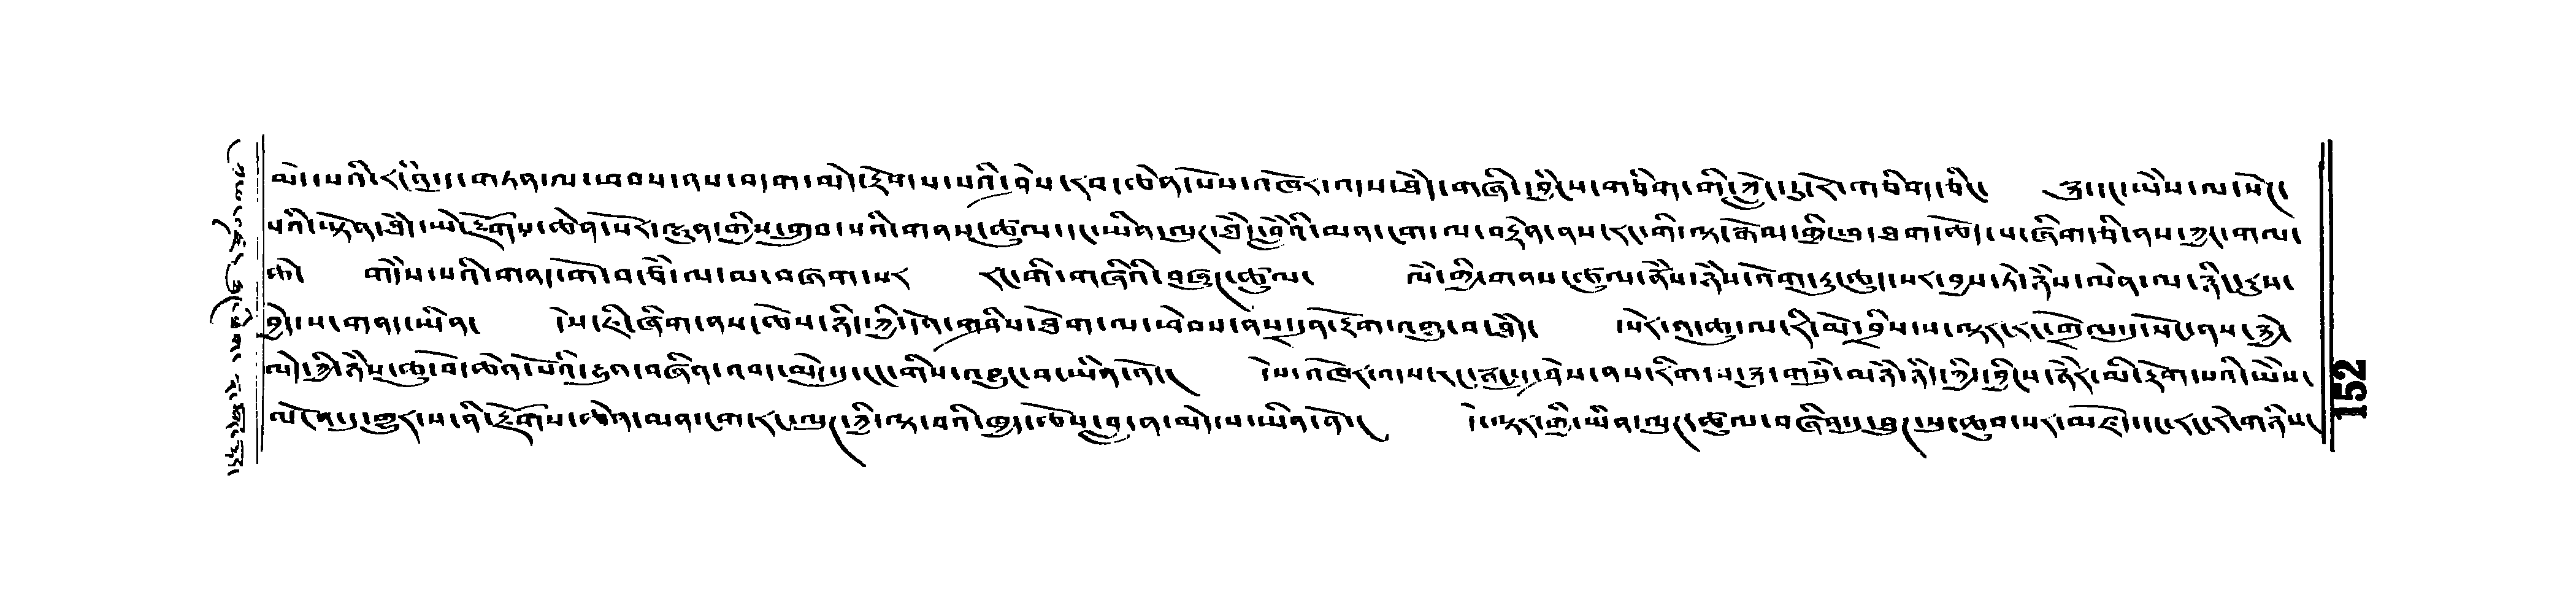མེད་པའི་རང་བཞིན་དུ་གཏན་ལ་ཕབས་ནས་བདག་མེད་རྟོགས་པའི་ཤེས་རབ་ཆེན་པོས་འཁོར་འདས་ཐམས་ཅད་གཞི་དབྱིངས་གཅིག་གི་ཀློང་དུ་རོ་གཅིག་ཅིང་། སྐུ་དང་ཡེ་ཤེས་ལ་སོགས་
པའི་ཡོན་ཏན་ཐམས་ཅད་ཡེ་རྫོགས་ཆེན་པོར་ལྷུན་གྱིས་གྲུབ་པའི་གནས་ཚུལ་དང་ཡིན་ལུགས་ཐམས་ཅད་བླ་མའི་མན་ངག་ལ་བརྟེན་ནས་རང་གི་ལྟ་སྒོམ་གྱི་ཕུ་ཐག་ཆོད་པ་ཞིག་ཅི་ནས་ཀྱང་གལ་
ཆེ། གདམས་པའི་གནད་གོ་བ་ཙམ་ལ་མ་བཞག་པར། རང་གི་གཞིའི་བཞུགས་ཚུལ། ལམ་གྱི་གནས་ཚུལ་རྣམས་ཉམས་འོག་ཏུ་ཆུད་པར་བྱས་ཏེ་ཉམས་ལེན་ལ་སྙིང་རུས་
བྱེད་པ་གནད་ཡིན། དེས་ཇི་ཞིག་ནས་ཆོས་ཉིད་ཀྱི་དོན་གཤིས་ཐོག་ལ་ཕེབས་ནས་དྲན་རྟོག་འགྱུབ་ཐམས་ཅད། དཔེར་ན་ཆུ་ལ་རི་མོ་བྲིས་པ་ལྟར་རང་གྲོལ་དུ་སོང་ནས་སྐྱེ་
མེད་ཀྱི་ཉམས་ཆུ་བོ་ཆེན་པོའི་རྒྱུན་བཞིན་འབད་མེད་དུ་ངང་གིས་འབྱུང་བ་ཡིན་ནོ། དེས་འཁོར་འདས་རང་སྣང་དུ་ཤེས་ནས་རིག་པ་སྐུ་གསུམ་མཉམ་ཉིད་ཀྱི་དབྱིངས་རྣམ་པར་མི་རྟོག་པའི་ཡེ་ཤེས་
མངོན་དུ་གྱུར་པ་ནི་རྫོགས་ཆེན་མན་ངག་རང་ལུགས་ཀྱི་ལྟ་བའི་ཁྱད་ཆོས་བླ་ན་མེད་པ་ཡིན་ནོ། དེ་ལྟར་གྱི་ཡིན་ལུགས་ཚུལ་བཞིན་དུ་ཐུགས་སུ་ཆུབ་པར་མཛོད་དང་རང་རེ་གཉིས་